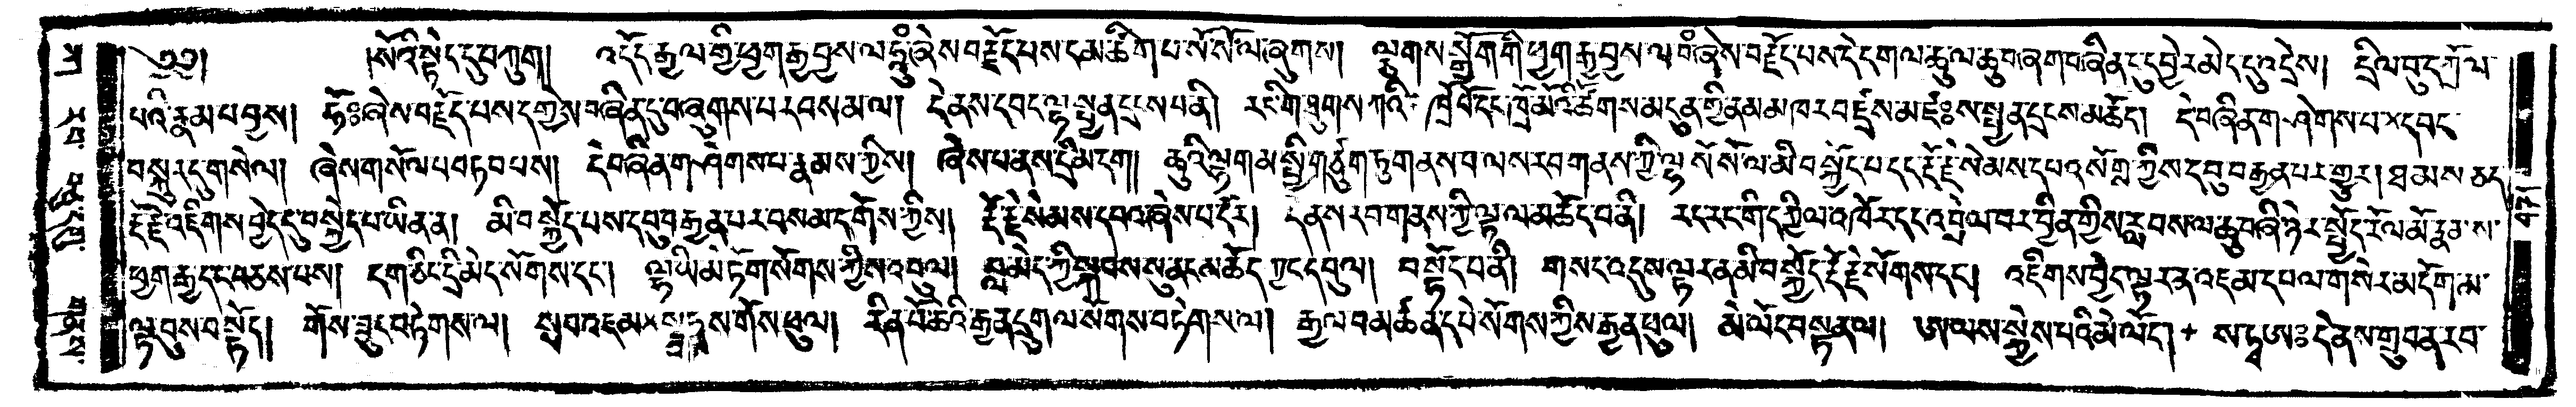༄༅། །སོའི་སྟེང་དུ་བཀུག །འདོད་རྒྱལ་གྱི་ཕྱག་རྒྱ་བྱས་ལ་ཧཱུཾ་ཞེས་བརྗོད་པས་དམ་ཚིག་པ་སོ་སོ་ལ་ཞུགས། ལྕགས་སྒྲོག་གི་ཕྱག་རྒྱ་བྱས་ལ་བཾ་ཞེས་བརྗོད་པས་དེ་དག་ལ་ཆུ་ལ་ཆུ་བཞག་བཞིན་དུ་དབྱེར་མེད་དུ་འདྲེས། དྲིལ་བུ་དཀྲོལ་
པའི་རྣམ་པ་བྱས། ཧོཿ ཞེས་བརྗོད་པས་དགྱེས་བཞིན་དུ་བཞུགས་པར་བསམ་ལ། དེ་ནས་དབང་ལྷ་སྤྱན་དྲངས་པ་ནི། རང་གི་ཐུགས་ཀའི་ཁྲོ་བོ་དང་ཁྲོ་མོའི་ཚོགས་མདུན་གྱི་ནམ་མཁར་བཛྲས་མ་ཛཿ ས་སྤྱན་དྲངས་མཆོད། དེ་བཞིན་གཤེགས་པ་྾་དབང་
བསྐུར་དུ་གསེལ། ཞེས་གསོལ་པ་བཏབ་པས། དེ་བཞིན་གཤེགས་པ་རྣམས་ཀྱིས་ཞེས་པ་ནས་དྲི་མ་དག །ཆུའི་ལྷག་མ་སྤྱི་གཙུག་ཏུ་གནས་བ་ལས་རབ་གནས་ཀྱི་ལྷ་སོ་སོ་ལ་མི་བསྐྱོད་པ་དད་རྡོ་རྗེ་སེམས་དཔའ་སོགས་ཀྱིས་དབུ་བརྒྱན་པར་གྱུར། ཐམས་ཅད་
རྡོ་རྗེ་འཇིགས་བྱེད་དུ་བསྐྱེད་པ་ཡིན་ན། མི་བསྐྱོད་པས་དབུ་བརྒྱན་པར་བསམ་དགོས་ཀྱིས། རྡོ་རྗེ་སེམས་དཔའ་ཞེས་བ་དོར། ད་ནས་རབ་གནས་ཀྱི་ལྟ་མ་མཆོད་པ་ནི། རང་རང་གི་དཀྱིལ་འཁོར་དང་འབྲེལ་བར་བྱིན་གྱིས་རླབས་ལ་ཆུ་བཞི་ཉེར་སྤྱོད་རོལ་མོ་རྣམས་
ཕྱག་རྒྱ་དང་བཅས་པས། དག་ཅིང་དྲི་མེད་སོགས་དང་། ལྷ་ཡི་མེ་ཏོག་སོགས་ཀྱིས་འབུལ། བླ་མེད་ཀྱི་སྐབས་སུ་ནང་མཆོད་ཀྱང་དབུལ། བསྟོད་པ་ནི། གསང་འདུས་ལྟར་ན་མི་བསྐྱོད་རྡོ་རྗེ་སོགས་དང་། །འཇིགས་བྱེད་ལྟར་ན་འཇམ་དཔལ་གསེར་མདོག་མ་
ལྟ་བུས་བསྟོད། གོས་ཟུང་བཏེགས་ལ། སྤབ་འཇམ་྾་སྨྲ་ཏྲཱས་གོས་ཕུལ། རིན་པོ་ཆེའི་རྒྱན་དྲུག་ལ་སོགས་བཏེགས་ལ། རྒྱལ་མཚན་དཔེ་སོགས་ཀྱིས་རྒྱན་ཕུལ། མེ་ཡོང་བསྟན་ལ། ཨ་ལས་སྐྱེས་པའི་མེ་ལོང་། ྾་ཨ་ཏྭ་ཨཿ དེན་གྲུབ་ན་རབ་